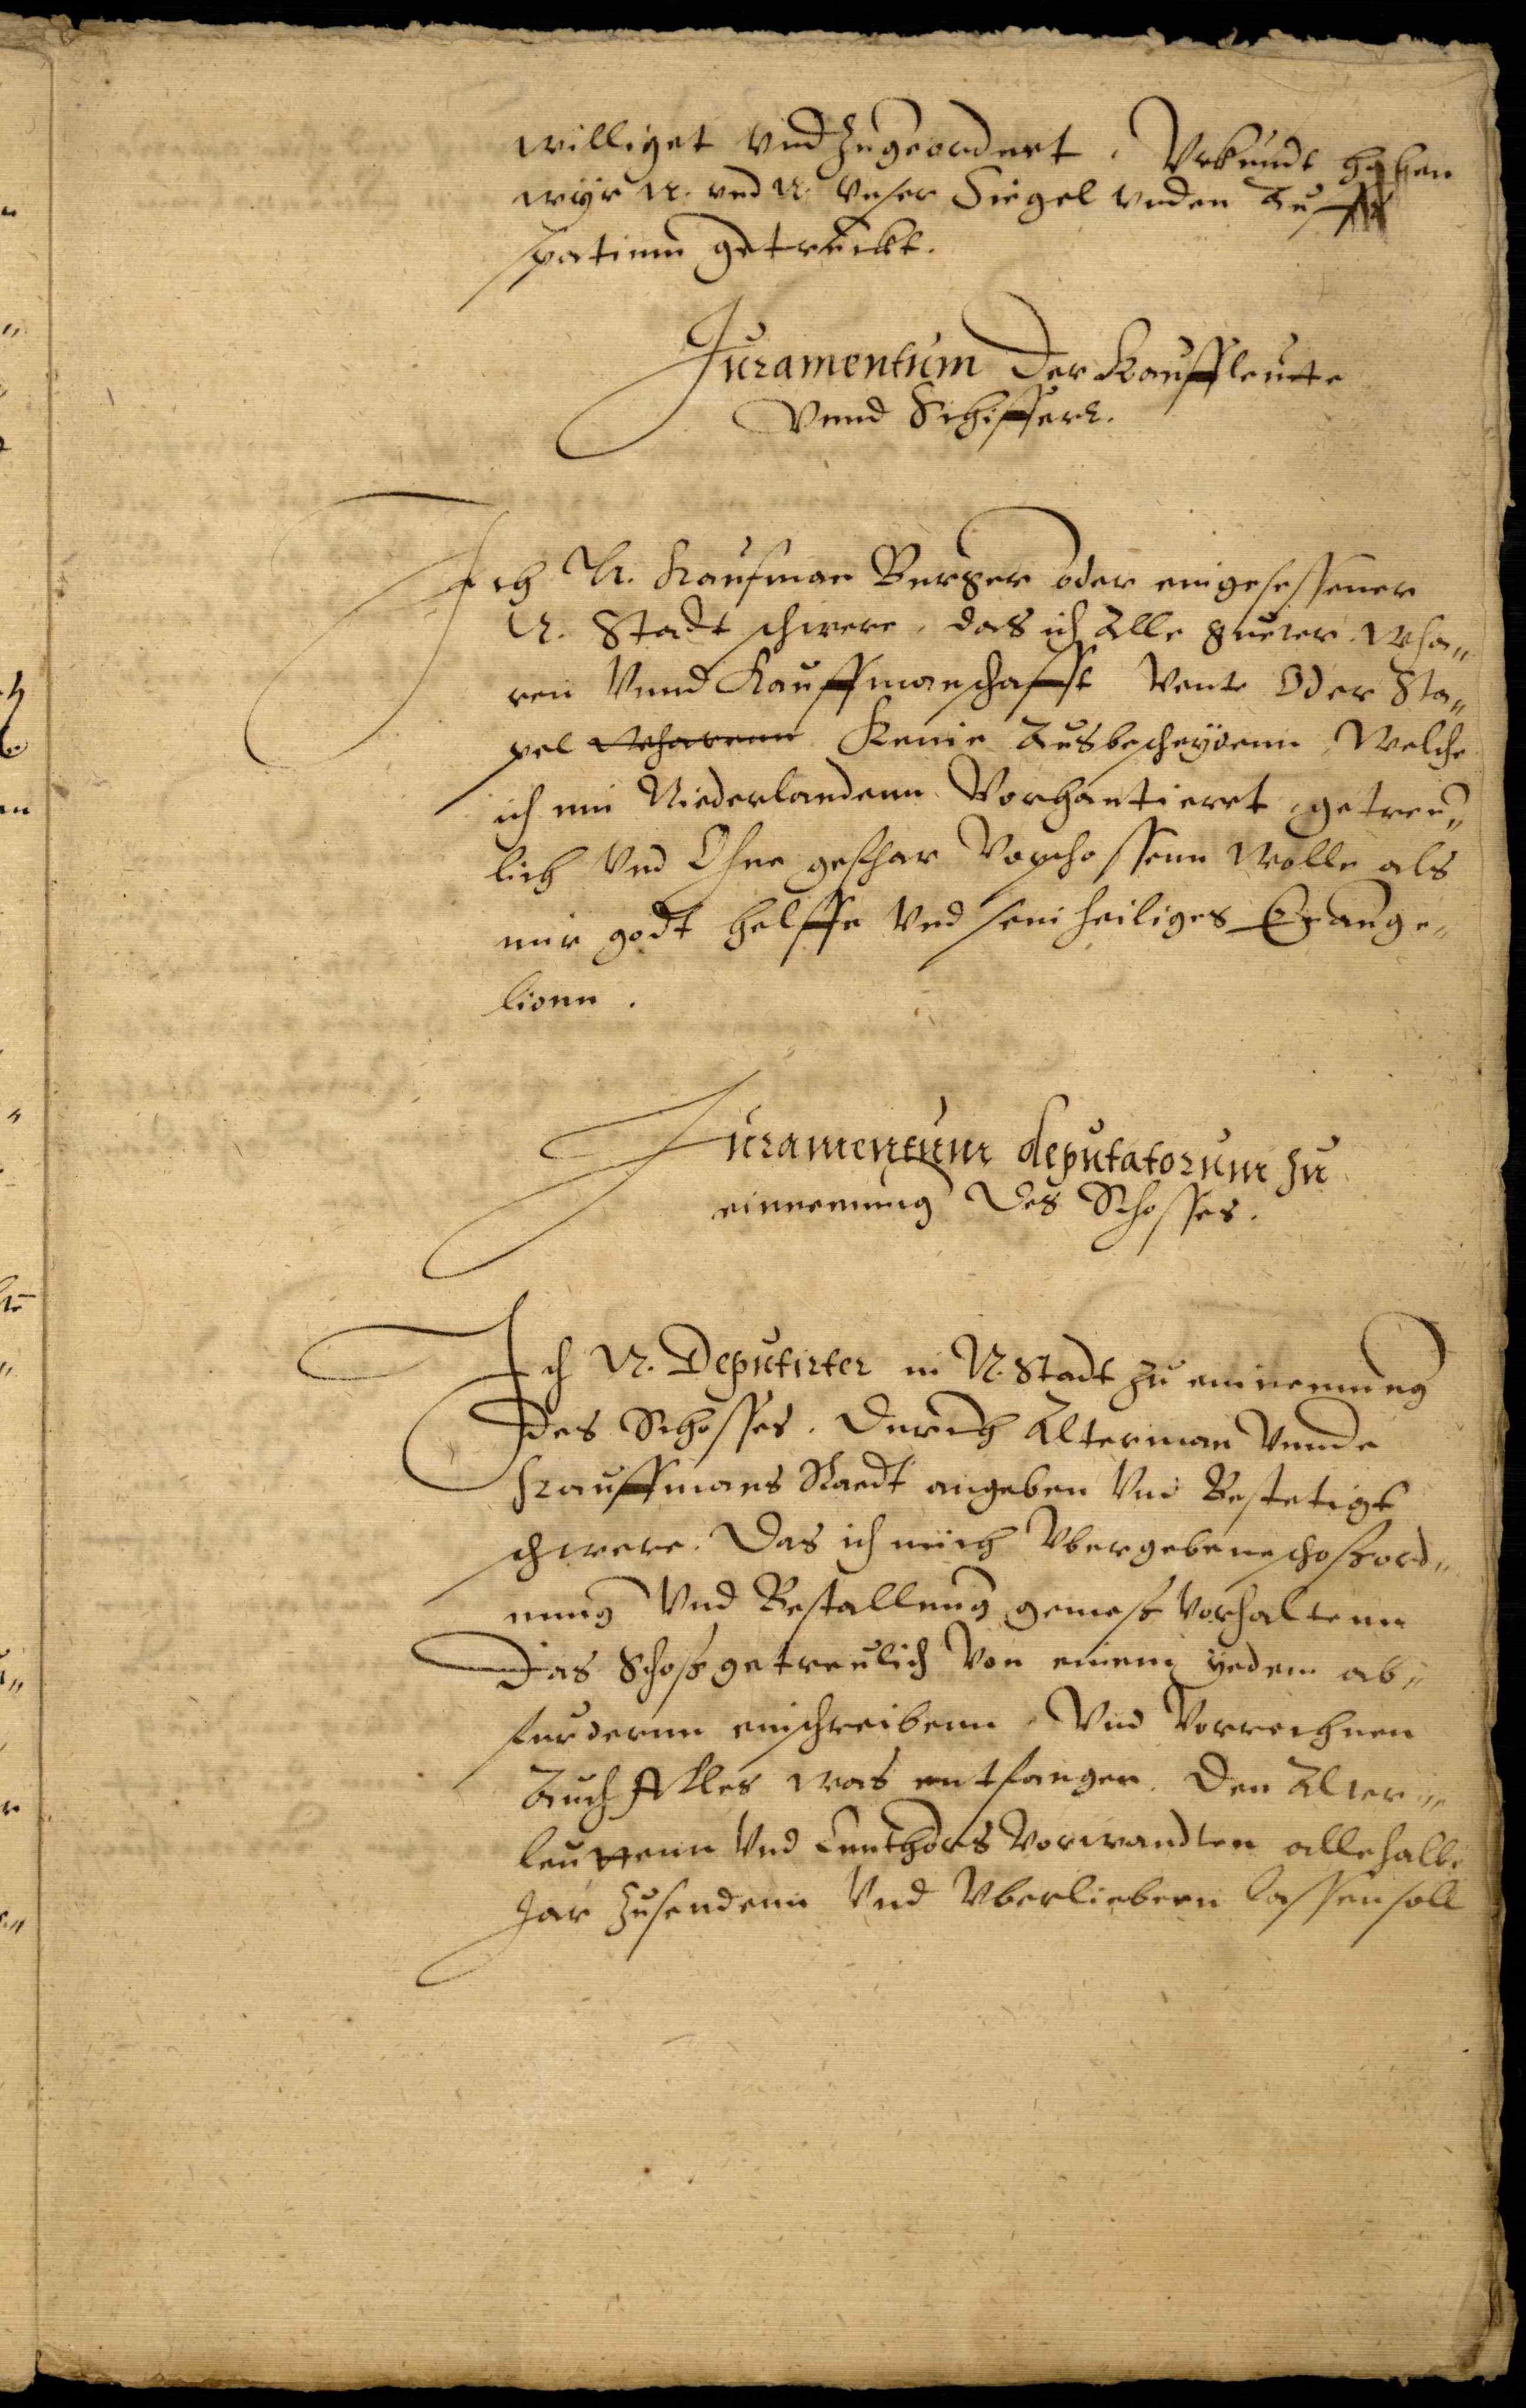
williget vnd zugeordnet, Vrkundt haben
wijr N. vnd N. vnser Siegel vnden Auff
spatium getruckt.
Juramentum der Kauffleute
vnnd Schifferr.
Ich H. Kaufman Burger oder eingesessener
d. Stadt schwere, das ich Alle gueter Wha¬
ren Vnnd Kauffmanschafft Vente Oder Sta¬
pel Wharenn Keine Susbescheijdenn, Welche
ich inn Niederlandenn Vorhantieret, getreu¬
lich vnd Ohn gefhar Vorschossenn Wolle als
mir godt helffe vnd sein heiliges Evange¬
lionn.
Juramentum Deputatorum zu
einnemung des Schosses.
Ich N. Deputirter in N. Stadt zu einnemung
des Schosses, durch Alterman vnnde
Fauffmans Raedt angeben vnd Bestetigt
schwere Das ich mich vbergebene Schoßord¬
nung vnd Bestallung gemeß vorhaltenn
Das Schoß getreulich von einem ijedem ab¬
furdernn einschreibenn, Vnd Vorrechnen
Auch Alles was entfangen den Alter¬
leuttenn und Cunthors vorwandten alle halbe
Jar zusendenn vnd vberliebenn lassen soll
